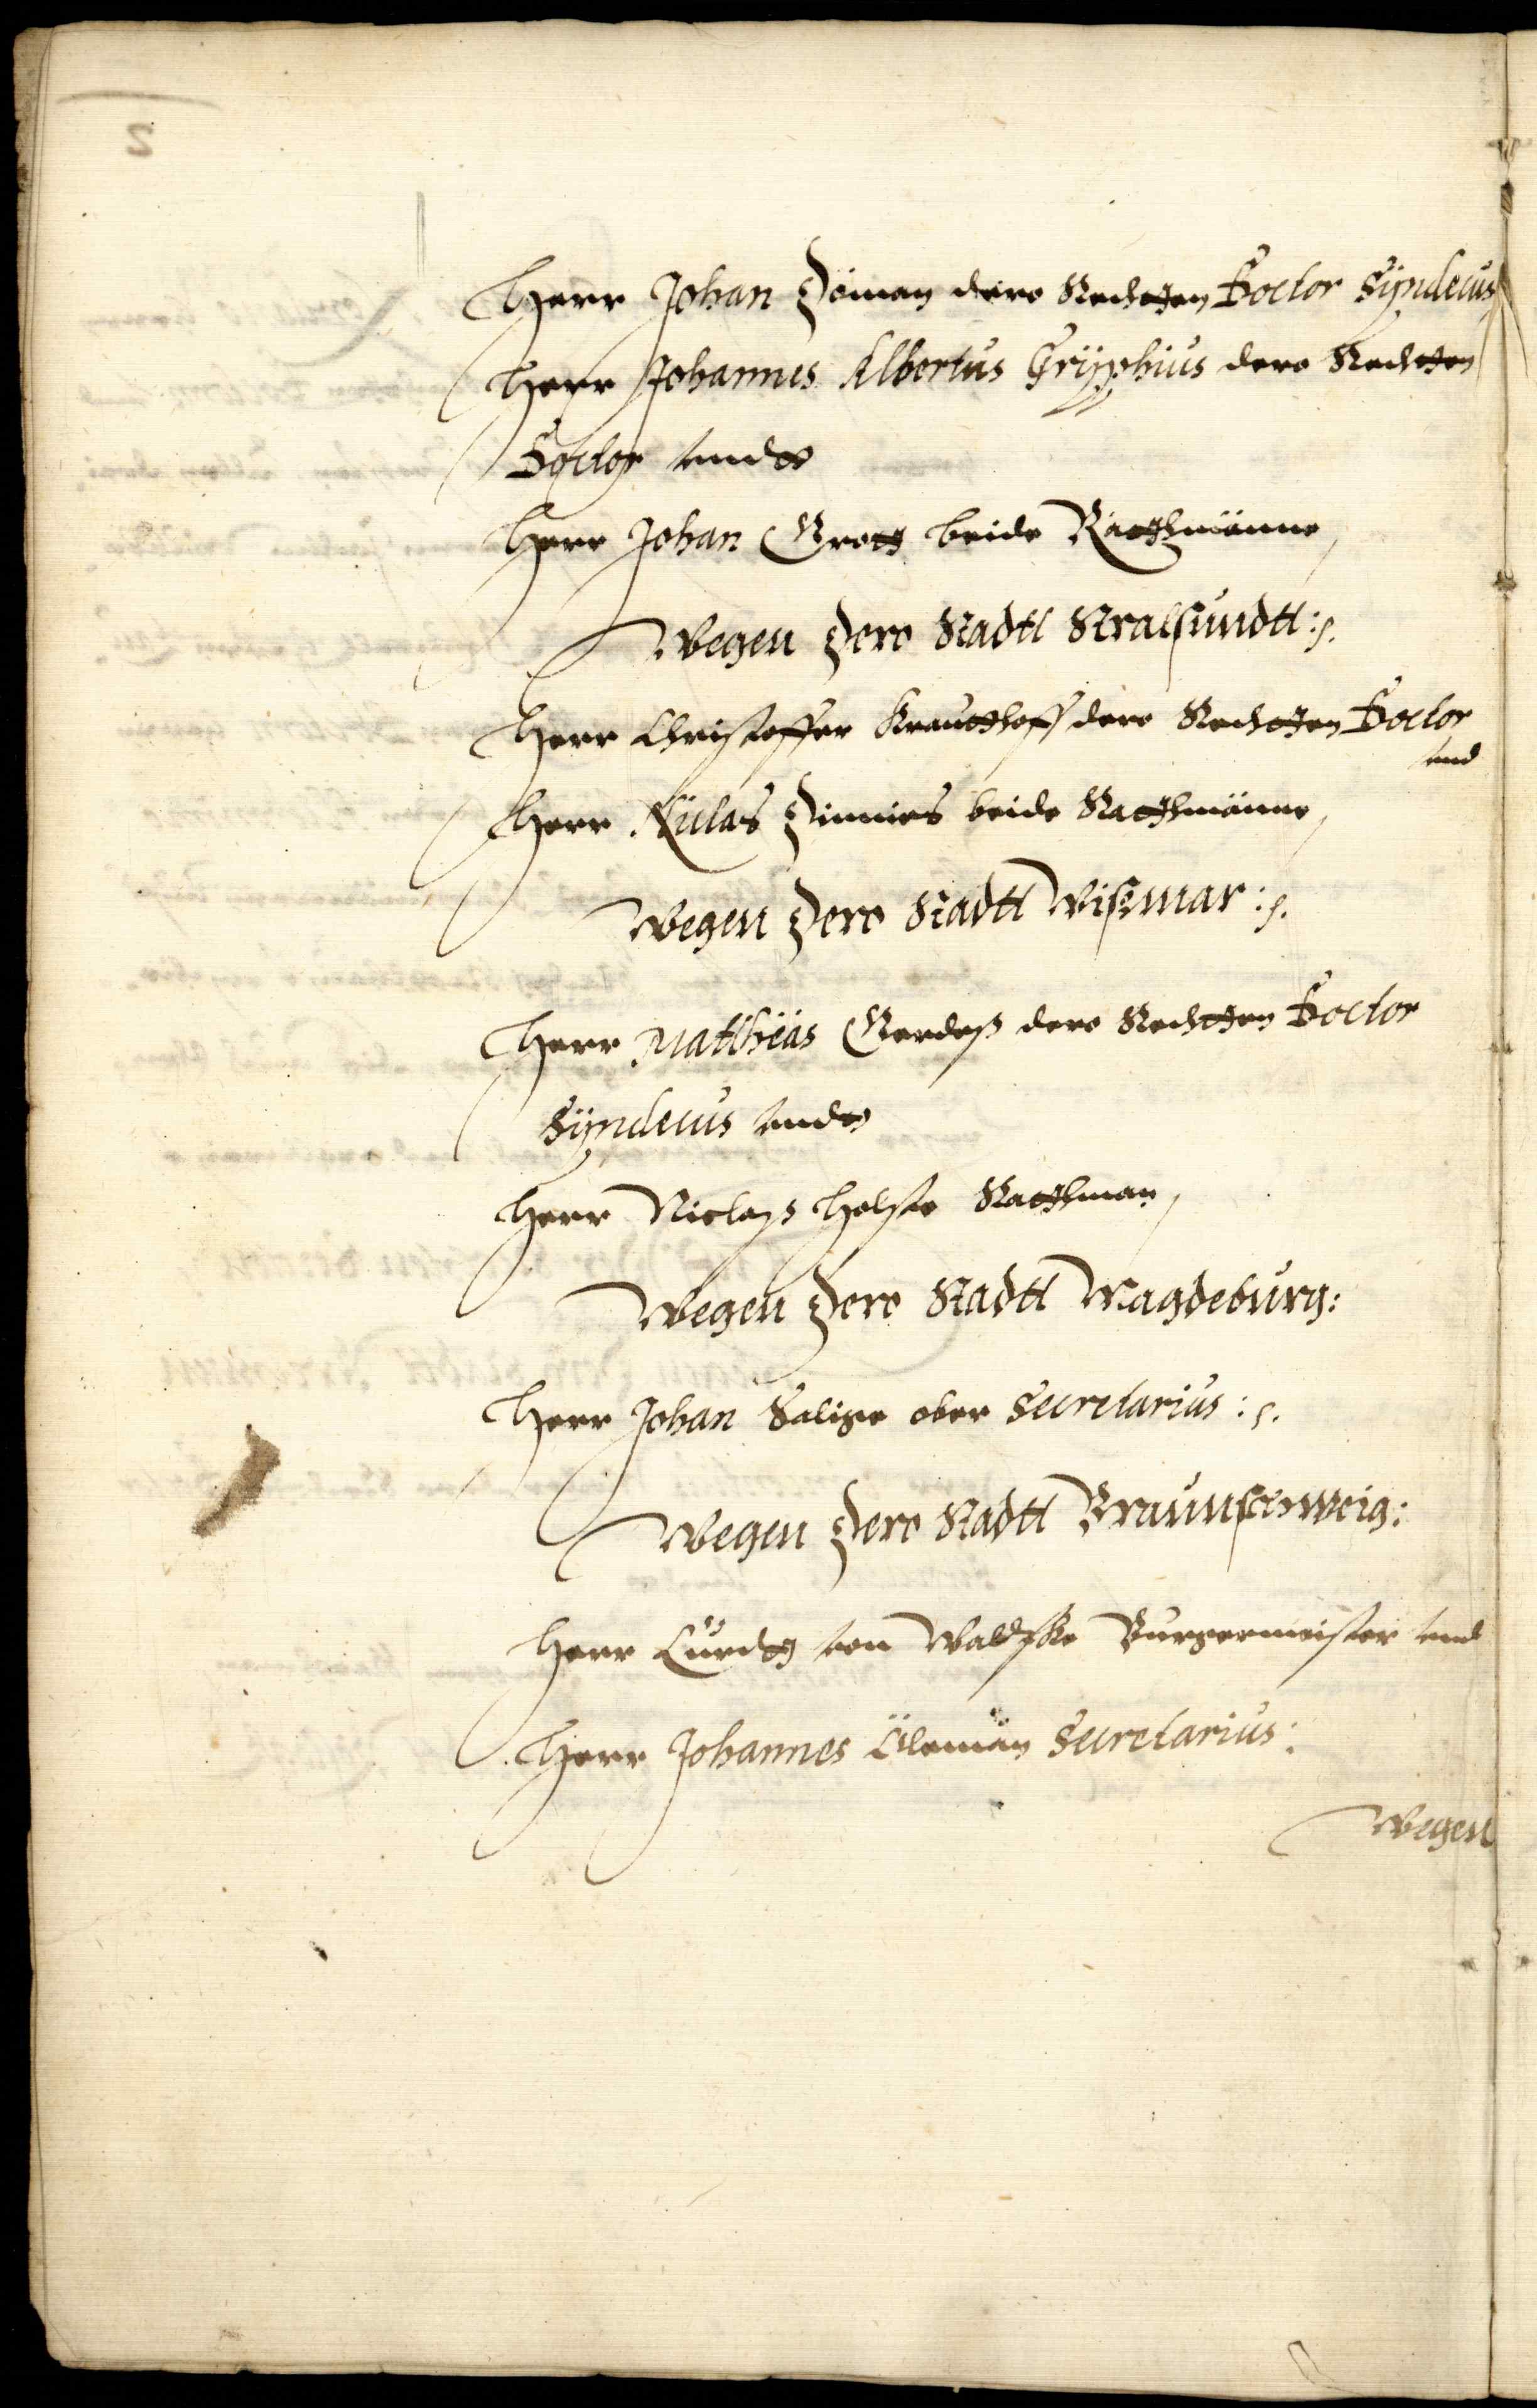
Herr Johan Doman dero Rechtten Doctor Sijndecus
Herr Johannes Albertus Grijphius dero Rechtten
Doctor vndtt
Herr Johan Grott beide Ratthmänne,
Wegen dero Stadtt Stralsundtt :p.
Herr Christoffer Krauthoff dero Rechtten Doctor
vnd
Herr Niclas Dinnies beide Ratthmänne,
Wegen dero Stadtt Wißmar :p.
Herr Mattheas Gerdeß dero Rechtten Doctor
Sijndecus vndtt
Herr Niclaß Holste Ratthman,
Wegen dero Stadtt Magdeburg:
Herr Johan Salige ober Secretarius :p.
Wegen dero Stadtt Braunschweig:
Herr Curdt von Walpke Burgermeister vnd
Herrn Johannes Öleman Secretarius:
Wegen
